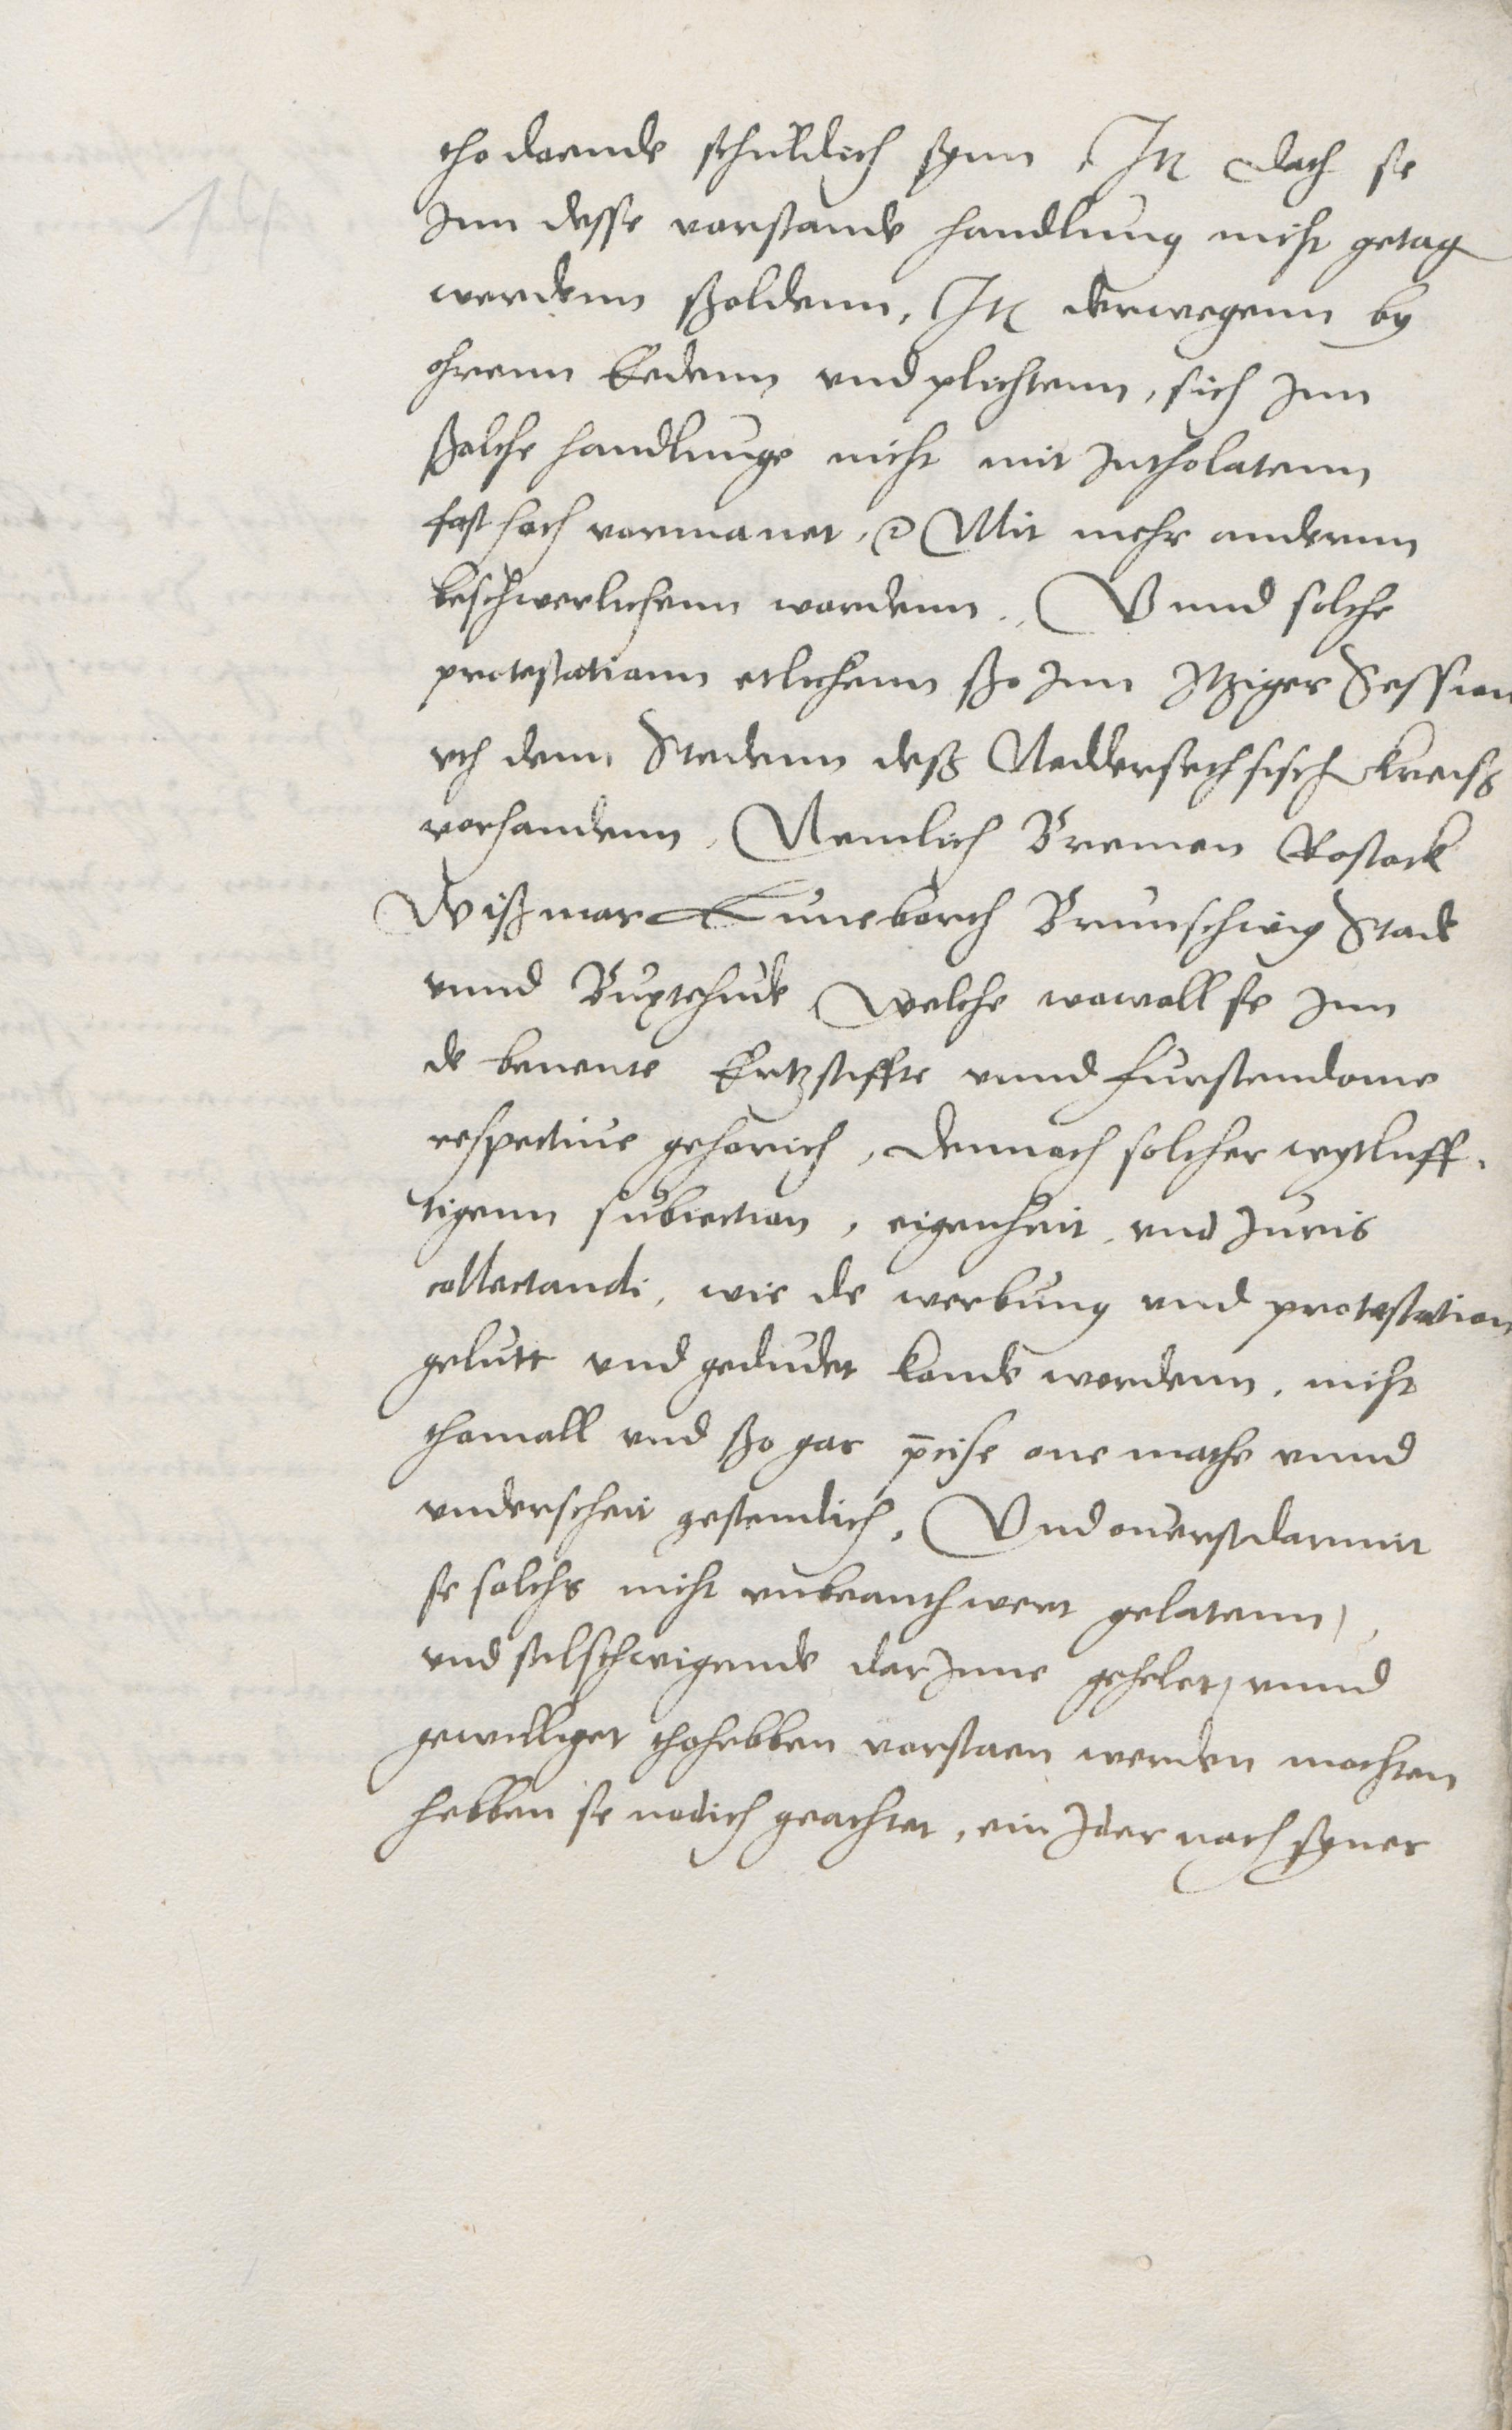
tho doende schuldich synn, Item dath se
jnn desse vorstande handlung nicht getogen
werdenn ßoldenn, Item derwegenn by
ohrenn Eidenn vnd plichtenn, sich jnn
ßolche handlunge nicht mit jntholatenn
fast hoch vormanet, etc. Mit mehr andernn
beschwerlichenn wordenn. Vnnd solche
protestationn etlichenn ßo jnn jtziger Session
vth denn Stedenn deß Nedderßechsischen Kreiss
vorhandenn. Nemlich Bremen Rostock
Wißmar Luneborch Brunschwig Stade
vnnd Buxtehude Welche wowoll se jnn
de benente Ertzstiffte vnnd Furstenndome
respectiue gehorich, Dennoch solcher wytluff¬
tigenn subiection, eigenheit vnd juris
collectandi, wie de werbung vnd protestation
gelutt vnd gedudet konde wordenn, nicht
thomall vnd ßo gar precise one mathe vnnd
vnderscheit gestendich, Vnd ouerst darmit
se solchs nicht vnbeanthwert gelatenn,
vnd stilschwigende darjnne gehelet, vnnd
gewilliget thohebben vorstaen werden mochten
hebenn se nodich geachtet, ein jder nach syner
